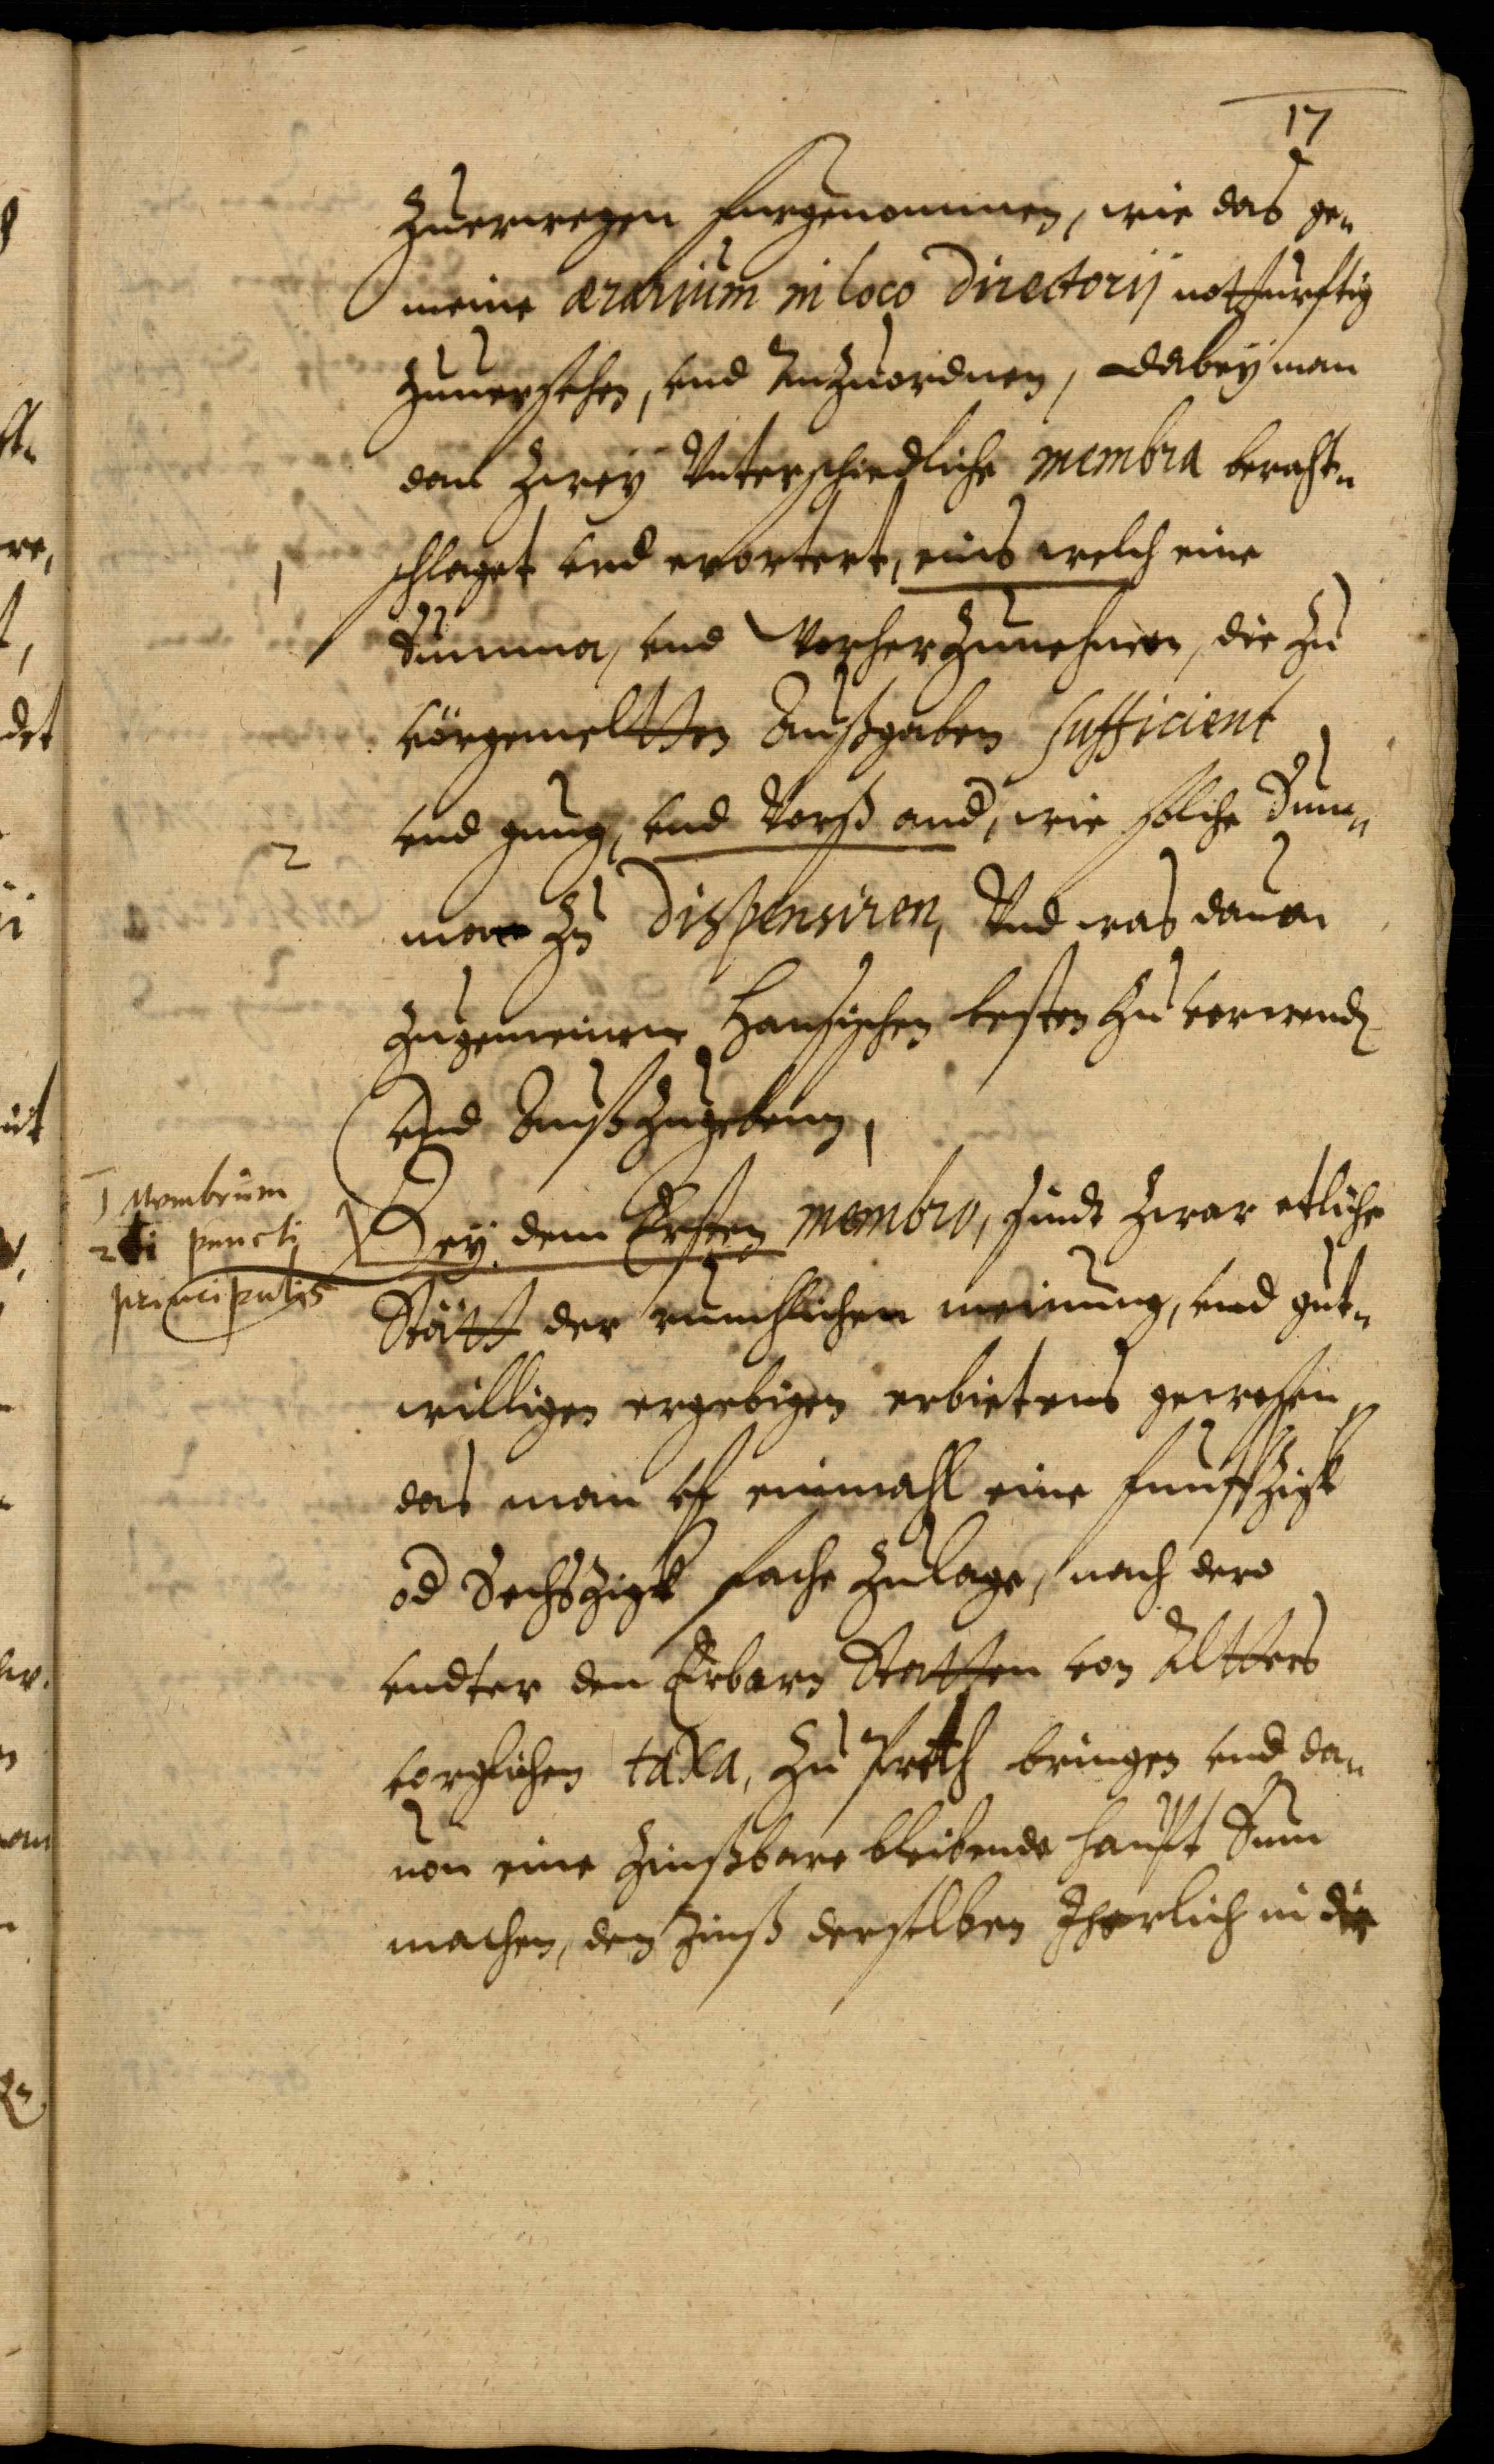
17
zuerwegen furgenommen, wie das ge¬
meine aerarium in loco Directorii notturftig
zuuerstehen, vnd anzuordnen, dabeij man
dan zweij vnterschiedliche membra beraht¬
schlaget vnd erortert, eins welch eine
Summa, vnd vorherzunehmen, die zu
vörgemeltten Außgaben sufficient
vnd gnug, vnd vorß ander, wie solche Sum¬
man zu dispensiren, vnd was dauon
zugemeinem hansischen besten zu vorwenden
vnd außzugeben,
Beij dem Ersten membro, sindt zwar etliche
Stätt der rumhlichen meinung, vnd gut¬
willigen ergebigen erbietens gewesen,
das man vf einmahl eine funffzigk
oder Sechszigk fache zulage, nach dero
vndter den Erbarn Statten von altters
vorglichen Taxa, zu Proth bringen vnd da¬
uon eine zinßbare bleibende haupt Sum
machen, den Zinß derselben Jherlich in die
I Membrum
2 puncti
principalis
